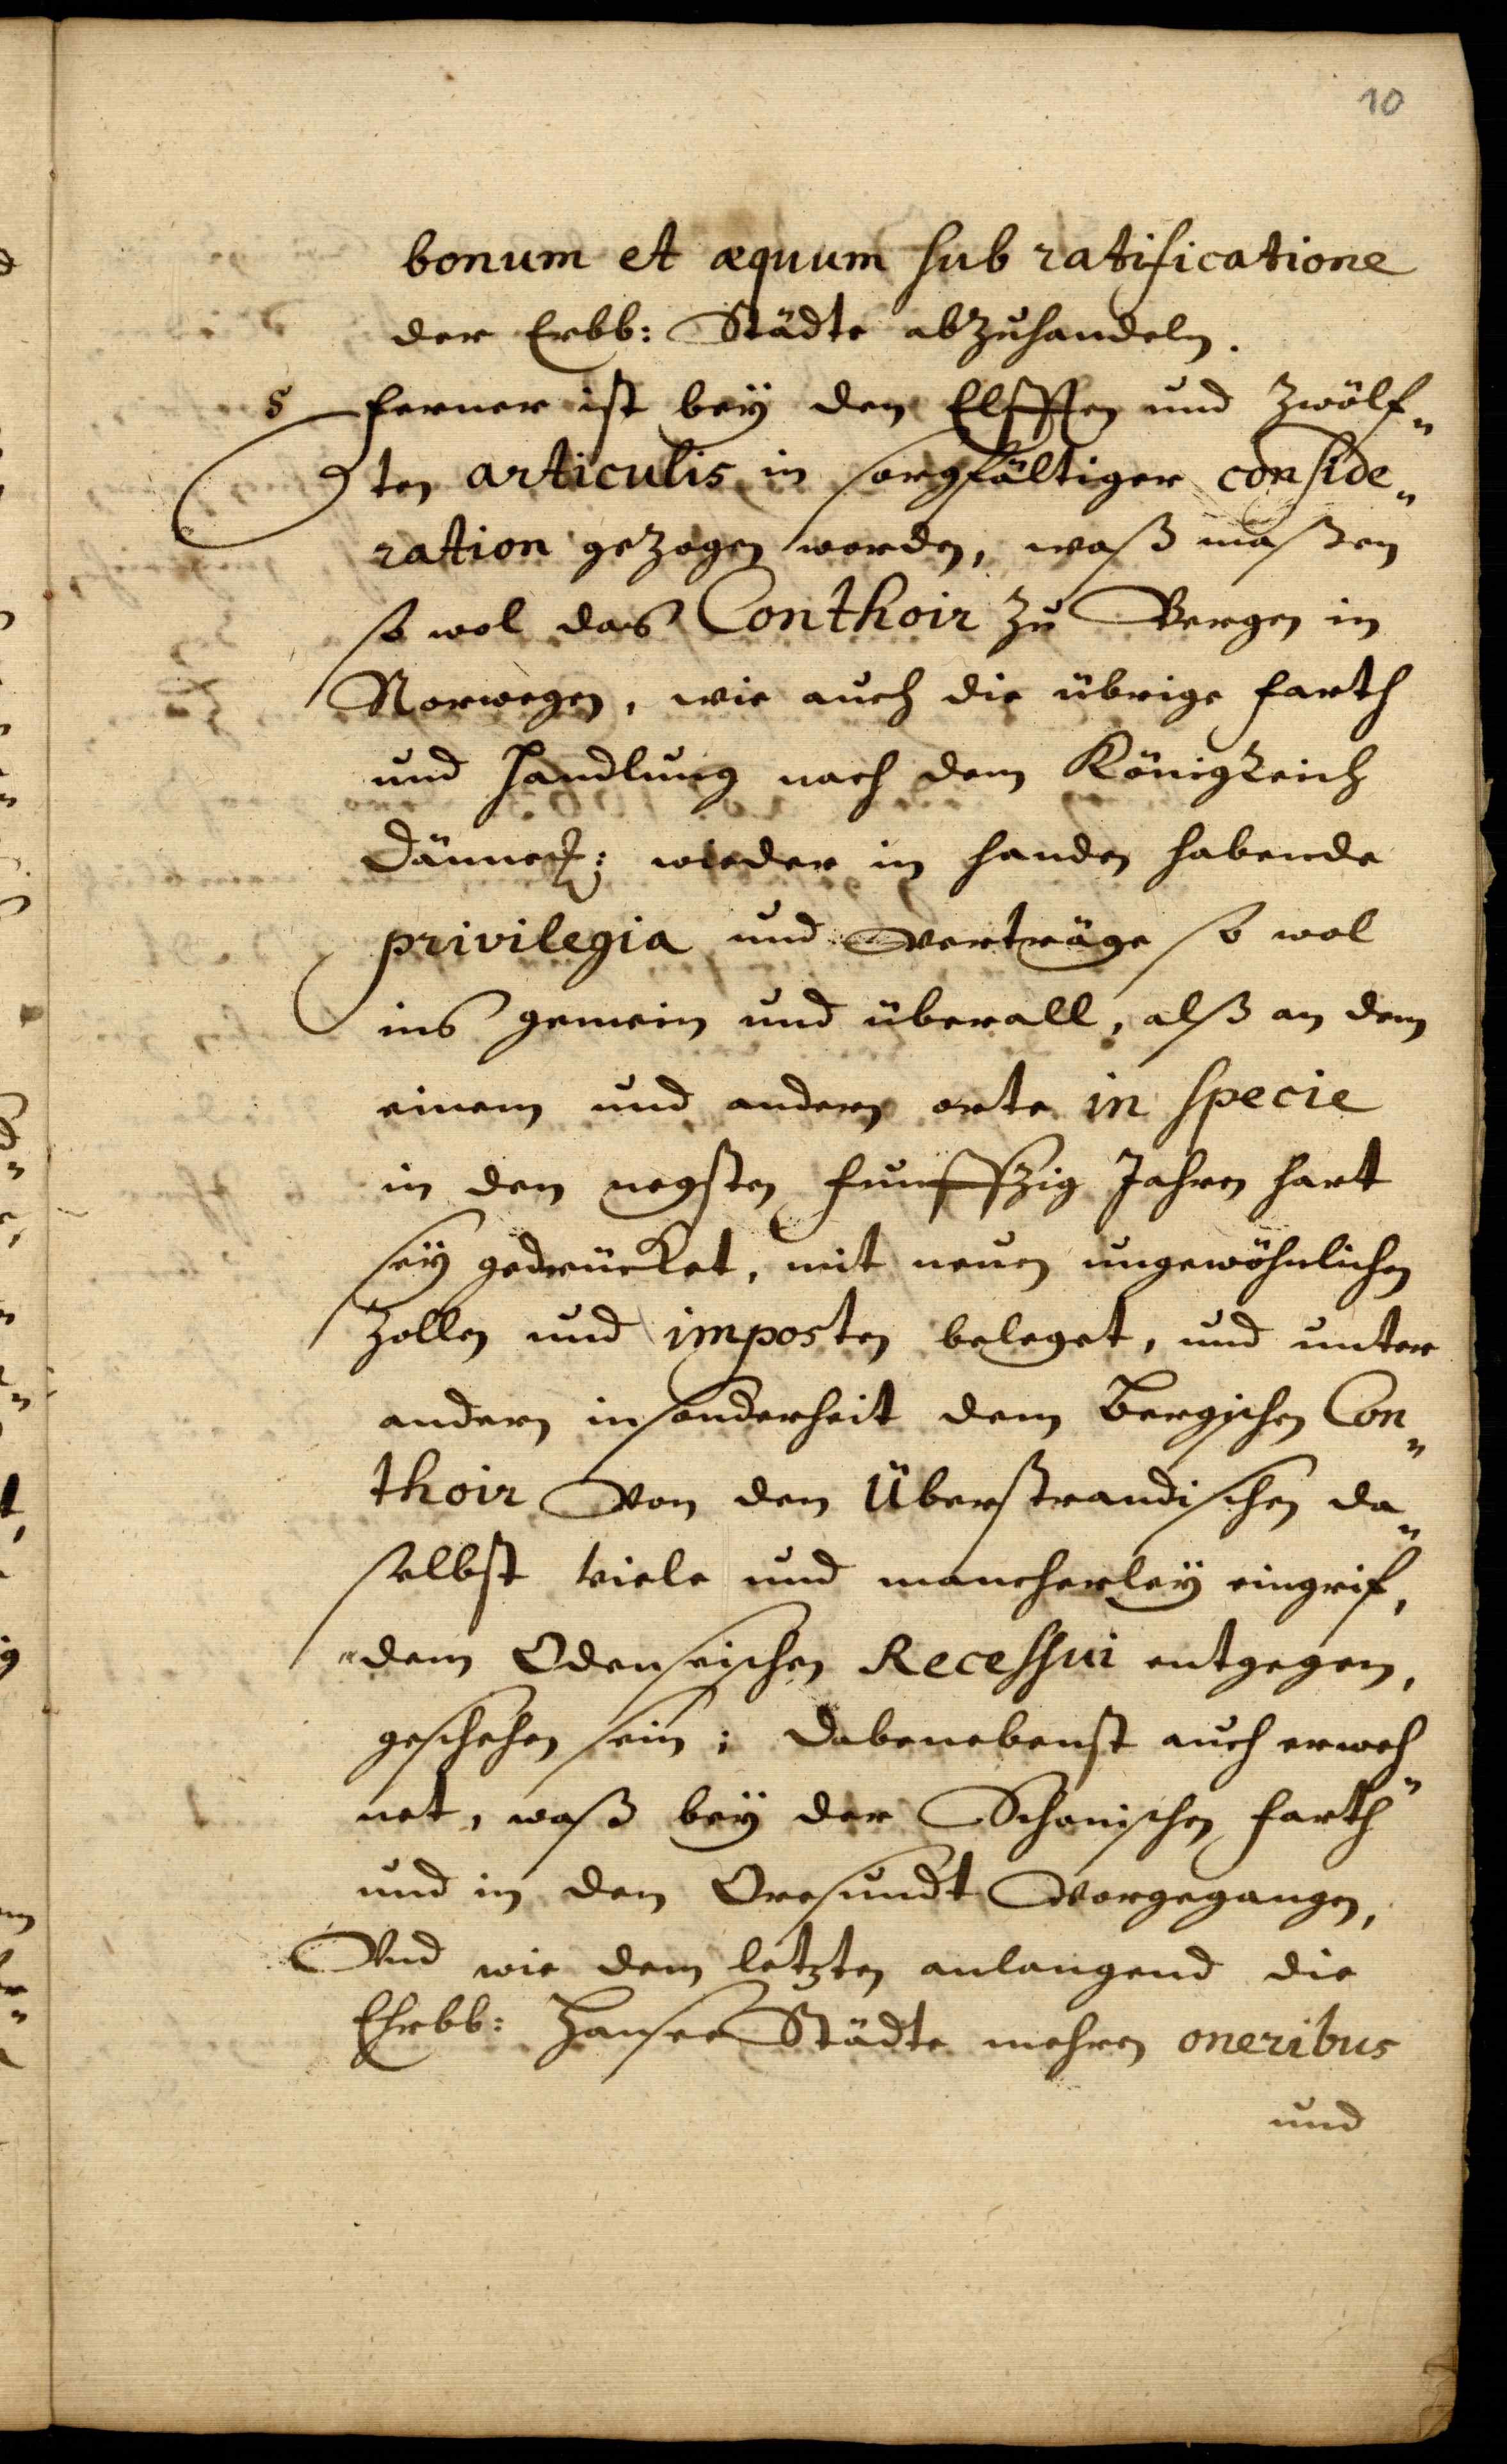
bonum et aequum sub ratificatione
der Erbb: Städte abzuhandeln.
Ferner ist beij den Elfften und Zwölf¬
ten articulis in sorgfältiger conside¬
ration gezogen worden, waß maßen
so wol das Conthoir zu Bergen in
Norwegen, wie auch die übrige farth
und handlung nach dem Königreich
Dännemark wieder in henden habende
privilegia und verträge so wol
ins gemein und überall, alß an dem
einem und andern orte in Specie
in den negsten funffzig Jahren hart
seij gedrücket, mit neuen ungewöhnlichen
Zollen und imposten beleget, und unter
andern in sonderheit dem Bergischen Con¬
thoir von den Überstrandischen da¬
selbst viele und mancherleij eingrif,
dem Odenseischen Recessui entgegen,
geschehen sein; dabenebenst auch erweh¬
net, waß beij der Schonischen farth
und in den Oresundt vorgegangen,
Vnd wie dem letzten anlangend die
Ehrbb: Hansee Städte mehren oneribus
und
